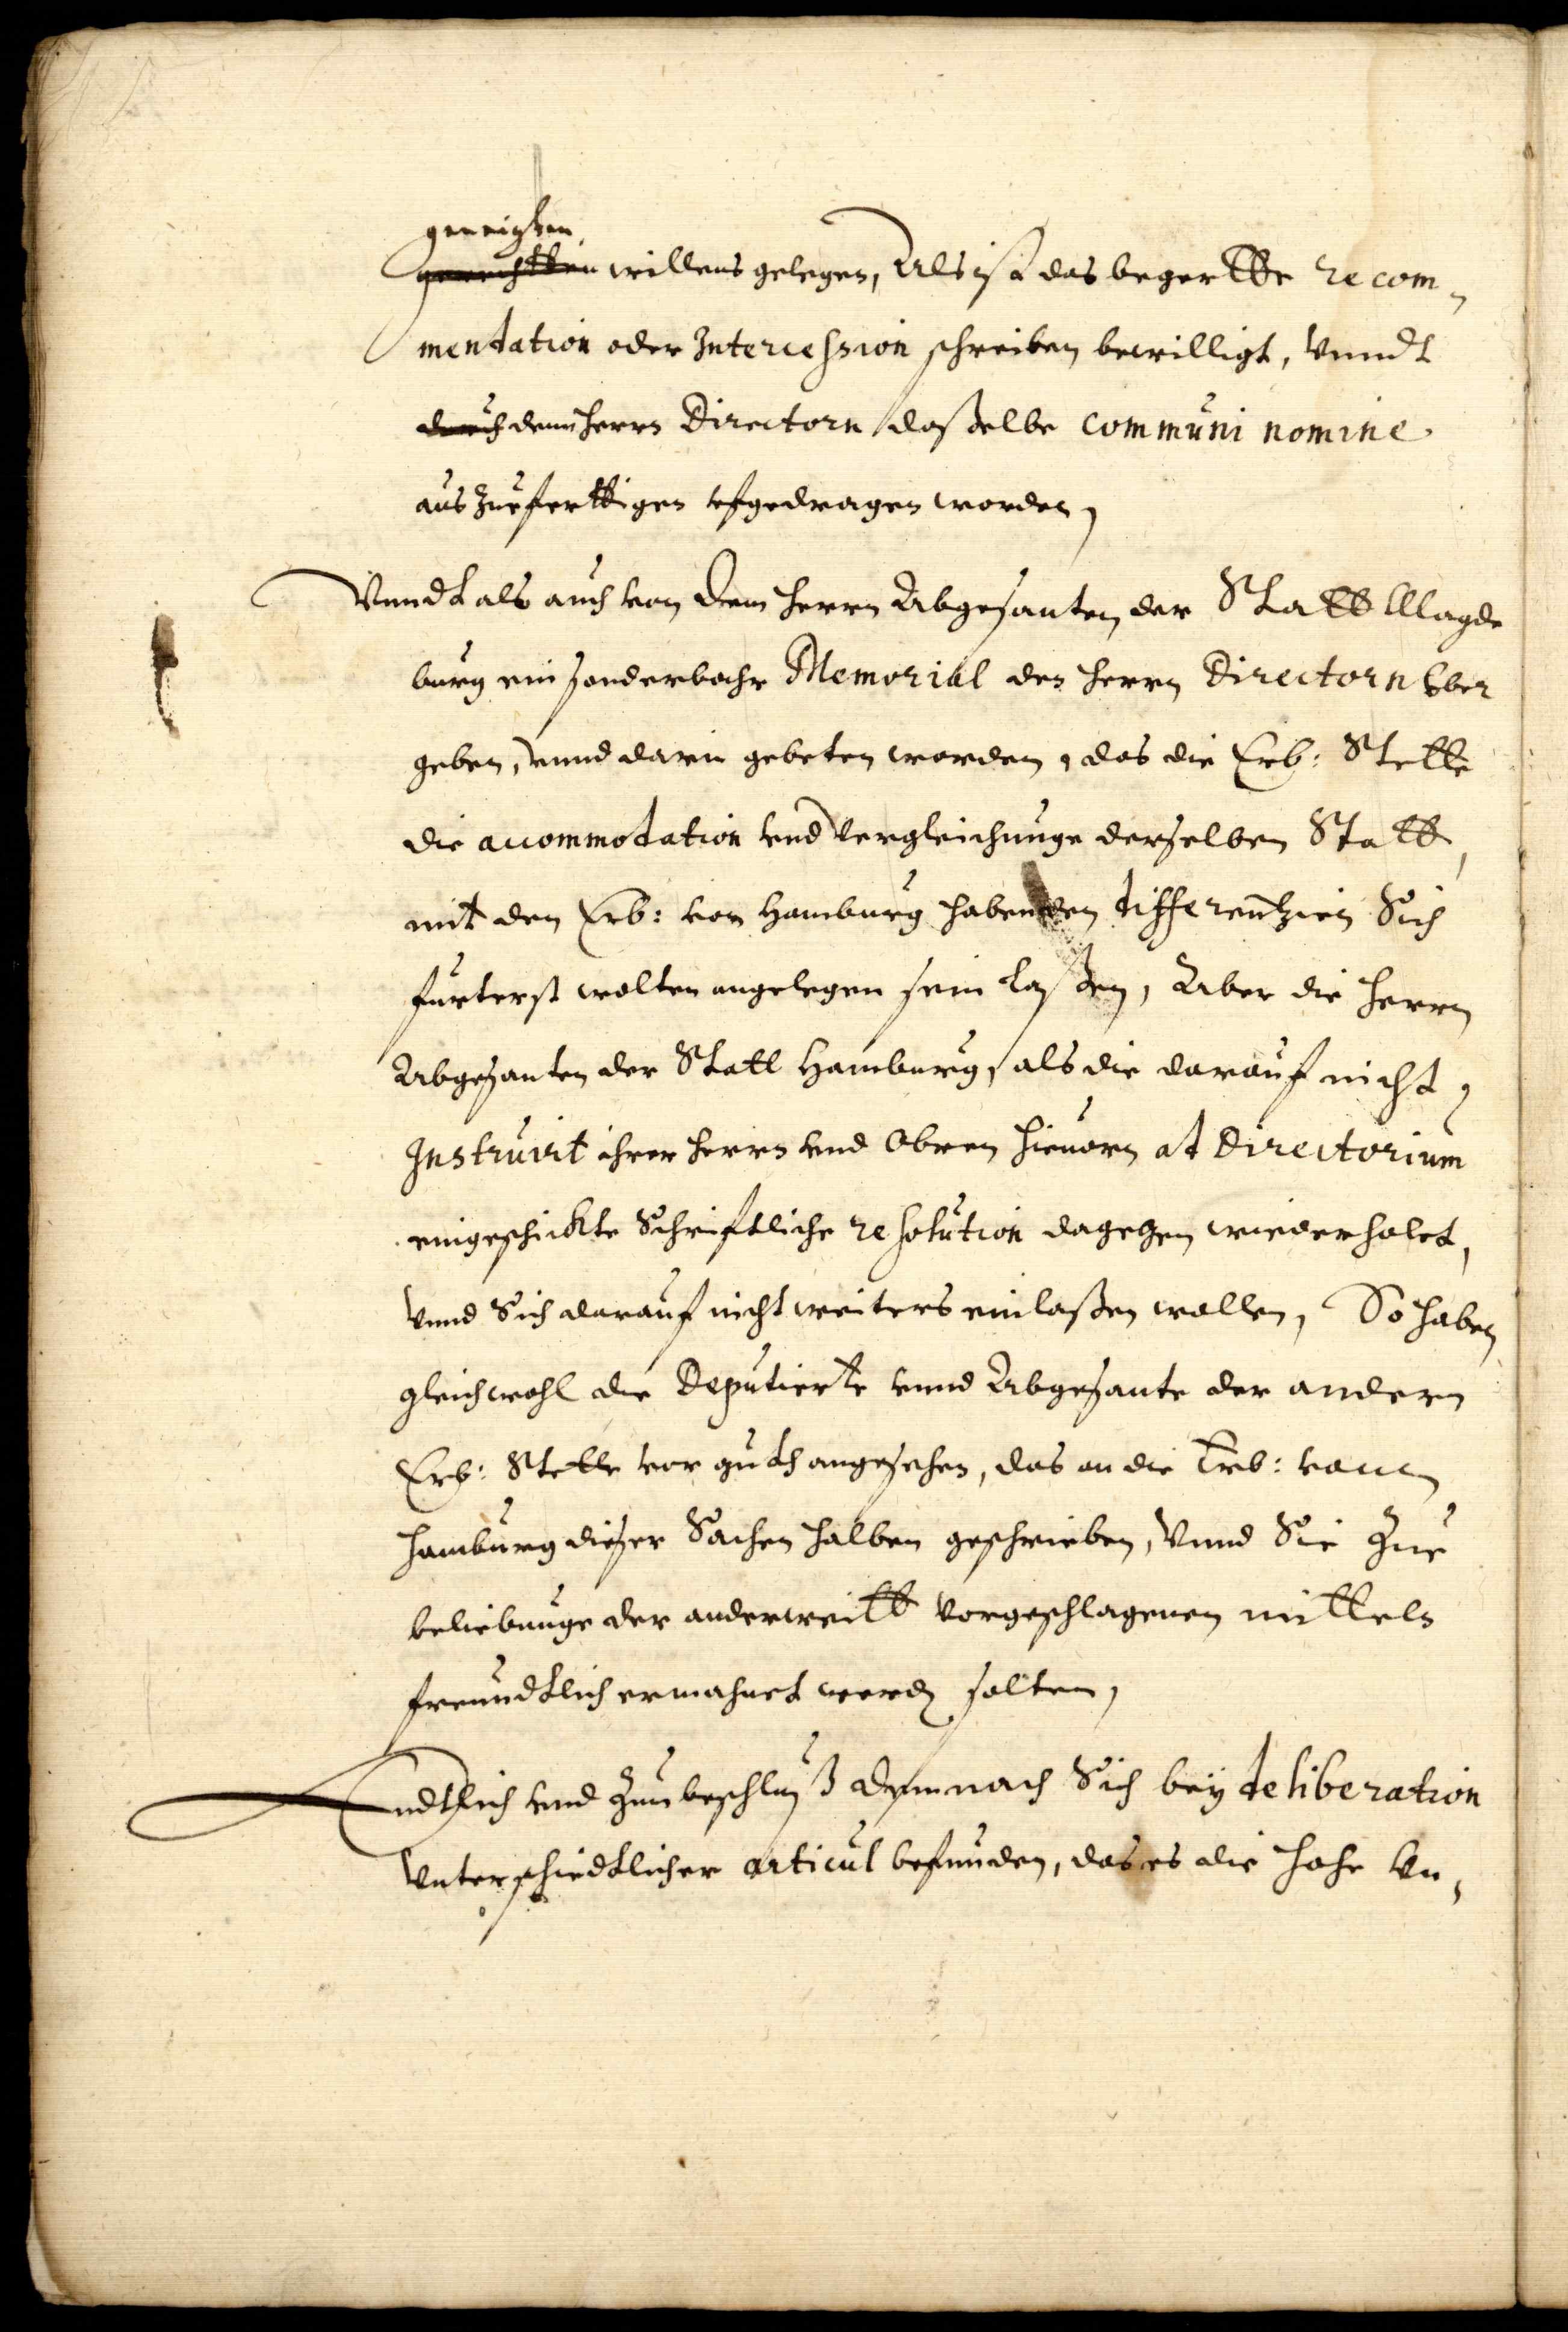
geneigten
gemechtten willens gelegen, Als ist das begertte recom¬
mendation oder intercession schreiben bewilligt, vnndt
durch denn Herrn Directorn daßelbe communi nomine
aus zueferttigen vfgedragen worden,
Vnndt also auch von dem herrn Abgesanten der Statt Magde¬
burg ein sonderbahr Memorial den Herrn Direktorn vber
geben, vnnd darin gebeten worden, das die Erb: Stette
die accommodation vnd vergleichunge derselben Statt,
mit den Erb: von Hamburg habenden differentzien Sich
furterst wolten angelegen sein laßen, Aber die herrn
Abgesanten der Statt Hamburg, als die darauf nicht
Instruirt ihrer herrn vnd Obren hieuorn ad Directorium
eingeschickte schriftliche resolution dagegen wiederholet,
vnnd sich darauf nicht weiters einlaßen wollen, So haben
gleichwohl die Deputierte vnnd Abgesante der andern
Erb: Stette vor guth angesehen, das an die Erb: vonn
hamburg dieser Sachen halben geschrieben, Vnnd Sie zue
beliebunge der anderweitt vorgeschlagenen mitteln
freundtlich ermahnet werden solten,
Endtlich vnd zum beschluß demnach Sich beij deliberation
vnterschiedtlicher articul befunden, das es die hohe vn¬
